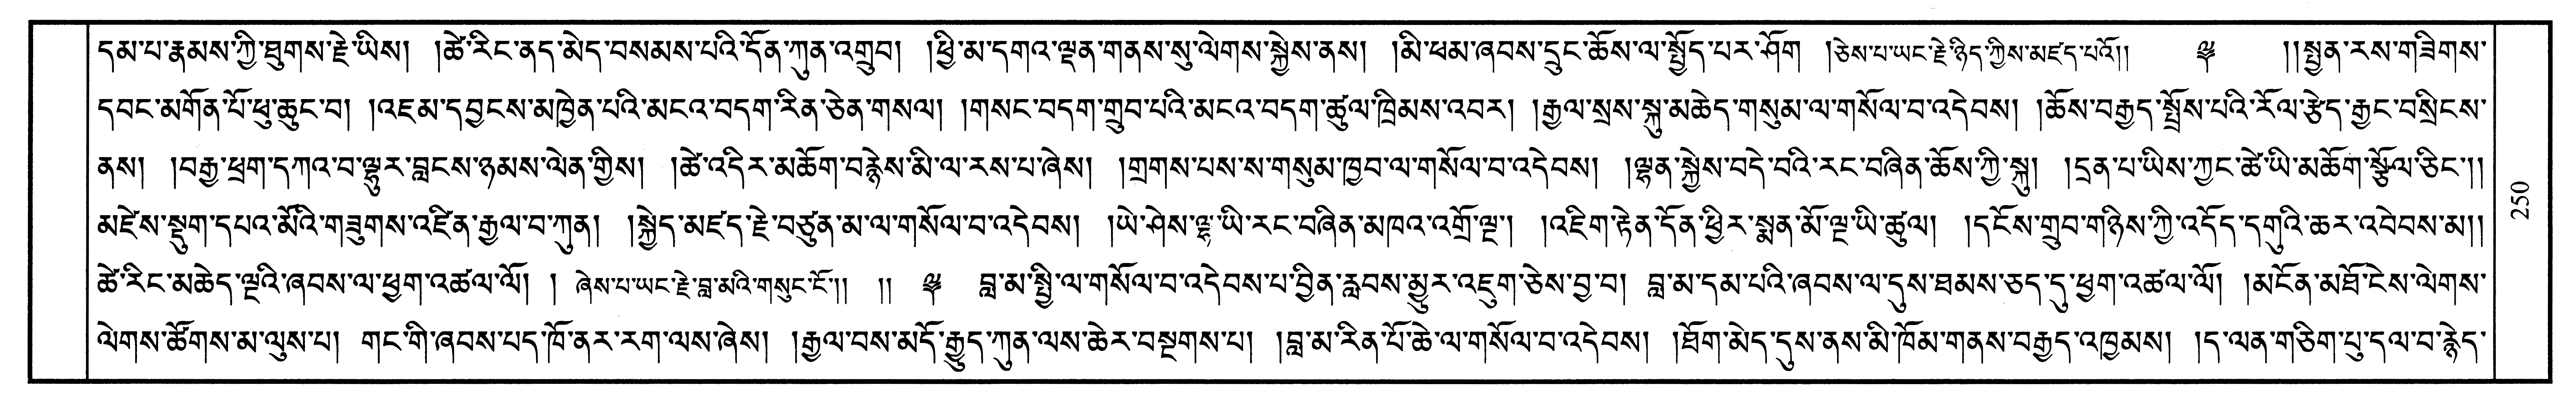དམ་པ་རྣམས་ཀྱི་ཐུགས་རྗེ་ཡིས། །ཚེ་རིང་ནད་མེད་བསམས་པའི་དོན་ཀུན་འགྲུབ། །ཕྱི་མ་དགའ་ལྡན་གནས་སུ་ལེགས་སྐྱེས་ནས། །མི་ཕམ་ཞབས་དྲུང་ཆོས་ལ་སྤྱོད་པར་ཤོག །ཅེས་པ་ཡང་རྗེ་ཉིད་ཀྱིས་མཛད་པའོ།། ༈ །།སྤྱན་རས་གཟིགས་
དབང་མགོན་པོ་ཕུ་ཆུང་བ། །འཇམ་དབྱངས་མཁྱེན་པའི་མངའ་བདག་རིན་ཅེན་གསལ། །གསང་བདག་གྲུབ་པའི་མངའ་བདག་ཚུལ་ཁྲིམས་འབར། །རྒྱལ་སྲས་སྐུ་མཆེད་གསུམ་ལ་གསོལ་བ་འདེབས། །ཆོས་བརྒྱད་སྤྲོས་པའི་རོལ་རྩེད་རྒྱང་བསྲིངས་
ནས། །བརྒྱ་ཕྲག་དཀའ་བ་ལྷུར་བླངས་ཉམས་ལེན་གྱིས། །ཚེ་འདིར་མཆོག་བརྙེས་མི་ལ་རས་པ་ཞེས། །གྲགས་པས་ས་གསུམ་ཁྱབ་ལ་གསོལ་བ་འདེབས། །ལྷན་སྐྱེས་བདེ་བའི་རང་བཞིན་ཆོས་ཀྱི་སྐུ། །དྲན་པ་ཡིས་ཀྱང་ཚེ་ཡི་མཆོག་སྩོལ་ཅིང་། །
མཛེས་སྡུག་དཔའ་མོའི་གཟུགས་འཛིན་རྒྱལ་བ་ཀུན། །སྐྱེད་མཛད་རྗེ་བཙུན་མ་ལ་གསོལ་བ་འདེབས། །ཡེ་ཤེས་ལྷ་ཡི་རང་བཞིན་མཁའ་འགྲོ་ལྔ། །འཇིག་རྟེན་དོན་ཕྱིར་སྨན་མོ་ལྔ་ཡི་ཚུལ། །དངོས་གྲུབ་གཉིས་ཀྱི་འདོད་དགུའི་ཆར་འབེབས་མ། །
ཚེ་རིང་མཆེད་ལྔའི་ཞབས་ལ་ཕྱག་འཚལ་ལོ། །ཞེས་པ་ཡང་རྗེ་བླ་མའི་གསུང་ངོ།། །། ༈ བླ་མ་སྤྱི་ལ་གསོལ་བ་འདེབས་པ་བྱིན་རླབས་མྱུར་འཇུག་ཅེས་བྱ་བ། །བླ་མ་དམ་པའི་ཞབས་ལ་དུས་ཐམས་ཅད་དུ་ཕྱག་འཚལ་ལོ། །མངོན་མཐོ་ངེས་ལེགས་
ལེགས་ཚོགས་མ་ལུས་པ། གང་གི་ཞབས་པད་ཁོ་ནར་རག་ལས་ཞེས། །རྒྱལ་བས་མདོ་རྒྱུད་ཀུན་ལས་ཆེར་བསྔགས་པ། །བླ་མ་རིན་པོ་ཆེ་ལ་གསོལ་བ་འདེབས། །ཐོག་མེད་དུས་ནས་མི་ཁོམ་གནས་བརྒྱད་འཁྱམས། །ད་ལན་གཅིག་པུ་དལ་བ་རྙེད་